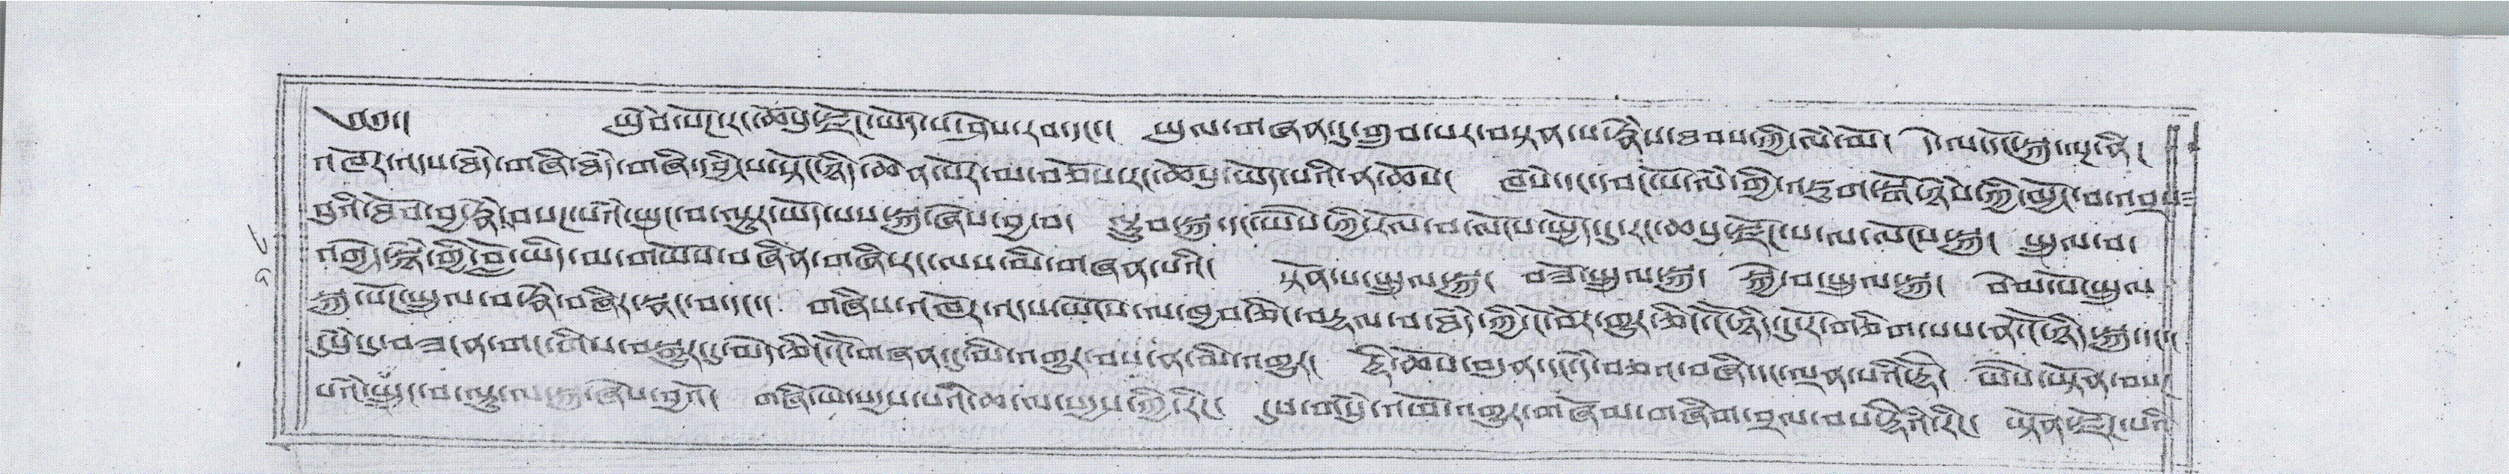ཡབ་ཡུམ་སོགས་རང་ཆས་སུ་རྫོགས་ཡོད་པ་ཤེས་རབ་དང་། ཡུལ་གཞན་དུ་གྲུབ་པར་བསྟན་པ་རྣམས་ཐབས་ཀྱི་ལམ་མོ། དེ་ལ་དང་པོ་སྐུ་ལྔ་ནི།
འཁོར་འདས་ཐམས་ཅད་གཞི་ཐམས་ཅད་གཞི་དབྱིངས་སྟོང་ཉིད་ཆེན་པོར་མ་བཅོས་རང་ཆོས་སུ་ཡོད་པས་ན་ཆོས། ཁམས་དང་དབང་པོ་ལམ་གྱི་འཇུག་སྒོ་ཉམས་ཀྱི་མྱོང་བ་འབྲས་
བུའི་ཐོབ་བྱ་རྣམས་བསགས་པའམ་སྤུང་བ་ལྟ་བུ་ཡོད་པས་སྐུ་ཞེས་བྱ་བ། ལྷུན་གྲུབ་སྐུ་དང་ཡེ་ཤེས་ཀྱི་རོལ་པ་ལོངས་སྤྱོད་དུ་རང་ཆས་སུ་རྫོགས་པ་ལ་ལོངས་སྐུ། སྤྲུལ་པ་
འགྱེད་སྙམ་གྱི་བློ་ཡིད་མ་གཡོས་བཞིན་གཞི་རང་ལས་མི་གཞན་པའི། སྟོན་པ་སྤྲུལ་སྐུ། བཟོ་སྤྲུལ་སྐུ། སྐྱེ་བ་སྤྲུལ་སྐུ། བེམ་པོ་སྤྲུལ་
སྐུ་སོགས་སྤྲུལ་པ་རྣམ་བཞིར་སྣང་བ་དང་། གཞིས་འཁོར་འདས་ཡོངས་ལ་ཁྱབ་ཅིང་བརྡལ་བ་ཐམས་ཅད་ཀྱི་ངོ་བོར་གྱུར་ཅིང་ངོ་བོ་ཉིད་དུ་རོ་གཅིག་པས་ན་ངོ་བོ་ཉིད་སྐུ་དང་། 
དུས་གསུམ་དུ་བཟང་ངན་གང་གིས་བསྒྱུར་དུ་མེད་ཅིང་ངོ་བོ་གཞན་དུ་མི་འགྱུར་བས་ན་མི་འགྱུར། རྡོ་རྗེ་ཆོས་བདུན་དང་དམ་བཅའ་བཞི་དང་ལྡན་པས་རྡོ་རྗེ། ཡེ་ཤེས་ཡོན་ཏན་བསགས་
པའི་སྤྲུལ་པའི་སྤུང་བ་ལྟ་བུ་ལ་སྐུ་ཞེས་བྱའོ། །གཞི་ཡེ་སངས་རྒྱས་པའི་ཆ་ལ་སངས་རྒྱས་ཀྱི་རིགས། དུས་གསུམ་འཕོ་འགྱུར་གཞོམ་གཞིག་བྲལ་བས་རྡོ་རྗེའི་རིགས། ཡོན་ཏན་རྫོགས་པའི་